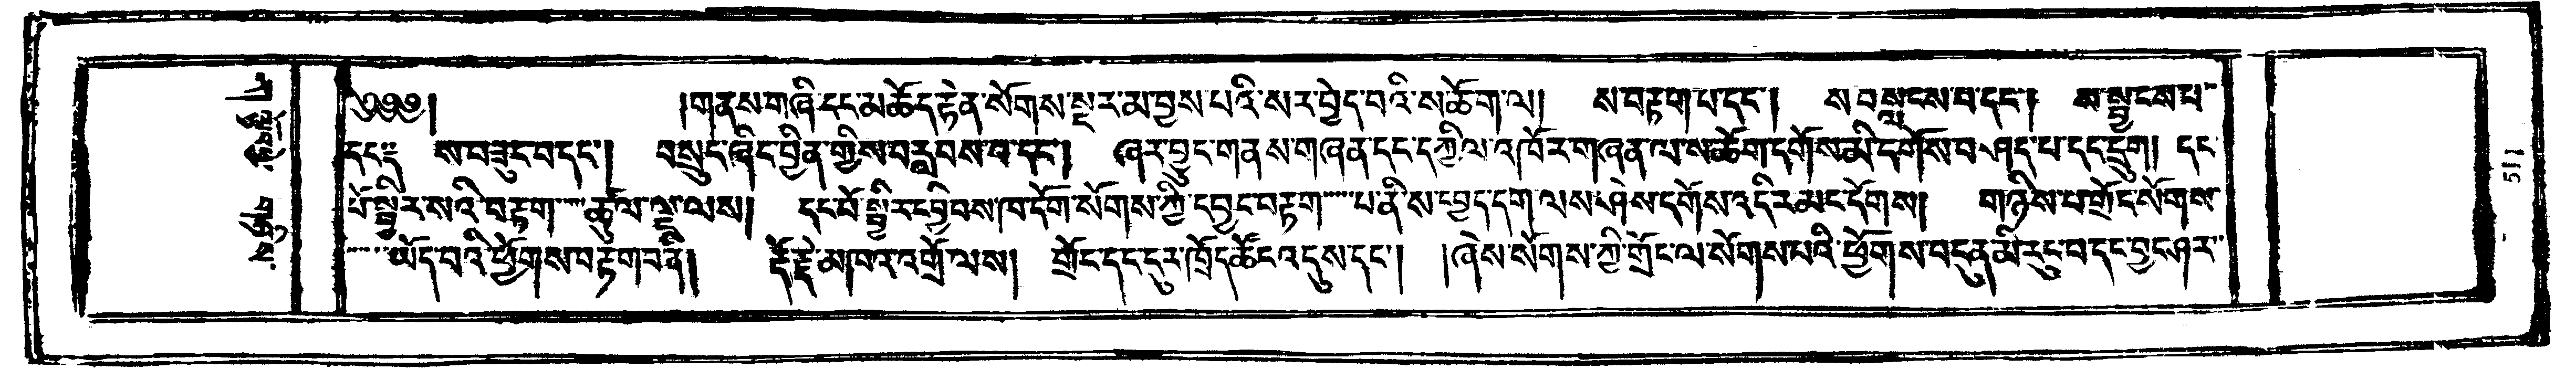༄༅༅། །གནས་བཞི་དང་མཆོད་རྟེན་སོགས་སྔར་མ་བྱས་པའི་སར་བྱེད་པའི་ས་ཆོག་ལ། ས་བརྟག་པ་དང་། ས་བསླངས་པ་དང་། ས་སྦྱངས་པ་
དང་། ས་བཟུང་བ་དང་། བསྲུང་ཞིང་བྱིན་གྱིས་བརླབས་བ་དང་། ཞར་བྱུང་གནས་གཞན་དང་དཀྱིལ་འཁོར་གཞན་ལ་ས་ཆོག་དགོས་མི་དགོས་བཤད་པ་དང་དྲུག །དང་
པོ་སྦྱིར་སའི་བརྟག་ཚུལ་ལྔ་ལས། དང་པོ་སྦྱིར་དབྱིབས་ཁ་དོག་སོགས་ཀྱི་དབྱང་བརྟག་པ་ནི་ས་དབྱད་དག་ལས་ཤེས་དགོས་འདིར་མང་དོགས། གཉིས་པ་གྲོང་སོགས་
ཡོད་པའི་ཕྱོགས་བརྟག་པ་ནི། རྡོ་རྗེ་མཁའ་འགྲོ་ལས། གྲོང་དང་དུར་ཁྲོ་ཚོང་འདུས་དང་། །ཞེས་སོགས་ཀྱི་གྲོང་ལས་སོགས་པའི་ཕྱོགས་བདུན་མི་རུང་བ་དང་བྱང་ཤར་